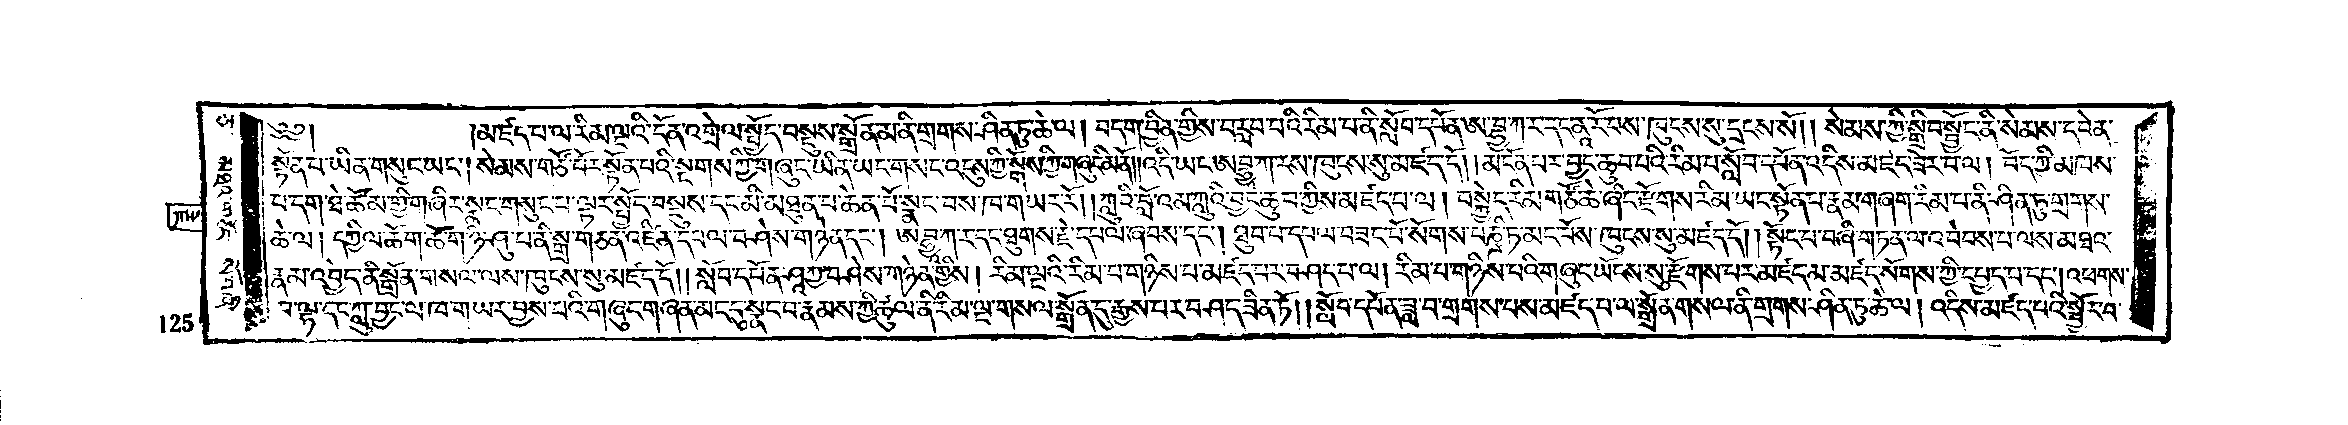༄༅། །མཛད་པ་ལ་རིམ་ལྔའི་དོན་འགྲེལ་སྤྱོད་བསྡུས་སྒྲོན་མ་ནི་གྲགས་ཤིན་ཏུ་ཆེ་ལ། བདག་བྱིན་གྱིས་བརླབ་པའི་རིམ་པ་ནི་སློབ་དཔོན་ཨ་བྷྱ་ཀ་ར་དང་ནཱ་རོ་པས་ཁུངས་སུ་དྲངས་སོ། །སེམས་ཀྱི་སྒྲིབ་སྦྱོང་ནི་སེམས་དབེན་
སྟོན་པ་ཡིན་གསུང་ཡང་། སེམས་གཙོ་བོར་སྟོན་པའི་སྔགས་ཀྱི་གཞུང་ཡིན་ཡང་གསང་འདུས་ཀྱི་སྒོས་ཀྱི་གཞུང་མིན་ནོ། །འདི་ཡང་ཨ་བྷྱཱ་ཀ་རས་ཁུངས་སུ་མཛད་དོ། །མངོན་པར་བྱང་ཆུབ་པའི་རིམ་པ་སློབ་དཔོན་འདིས་མཛད་ཟེར་བ་ལ། བོད་ཀྱི་མཁས་
པ་དག་ཐེ་ཚོམ་གྱི་གཞིར་སྣང་གསུང་པ་ལྟར་སྤྱོད་བསྡུས་དང་མི་མཐུན་པ་ཆེན་པོ་སྣང་བས་ཁ་གཡར་རོ། །ཀླུའི་བློ་འམ་ཀླུའི་བྱང་ཆུབ་ཀྱིས་མཛད་པ་ལ། བསྐྱེད་རིམ་གཙོ་ཆེ་ཞིང་རྫོགས་རིམ་ཡང་སྟོན་པ་རྣམ་གཞག་རིམ་པ་ནི་ཤིན་ཏུ་གྲགས་
ཆེ་ལ། དཀྱིལ་ཆོག་ཆོ་ག་ཉི་ཤུ་པ་ནི་སྒྲ་གཅན་འཛིན་དཔལ་བཤེས་གཉེན་དང་། ཨ་བྷྱཱ་ཀ་ར་དང་ཐུགས་རྗེ་དཔལ་ཞབས་དང་། ཐུབ་པ་དཔལ་བཟང་པོ་སོགས་པཎྜི་ཏ་མང་པོས་ཁུངས་སུ་མཛད་དོ། །སྟོང་པ་བཞི་གཏན་ལ་འབེབས་པ་ལས་མཐའ་
རྣམ་འབྱེད་ནི་སྒྲོན་གསལ་ལས་ཁུངས་སུ་མཛད་དོ། །སློབ་དཔོན་ཤཱཀྱ་བཤེས་གཉེན་གྱིས། རིམ་ལྔའི་རིམ་པ་གཉིས་པ་མཛད་པར་བཤད་པ་ལ། རིམ་པ་གཉིས་པའི་གཞུང་ཡོངས་སུ་རྫོགས་པར་མཛད་མ་མཛད་སོགས་ཀྱི་དཔྱད་པ་དང་། འཕགས་
པ་ལྷ་དང་ཀླུ་བྱང་ལ་ཁ་གཡར་བྱས་པའི་གཞུང་གཞན་མང་དུ་སྣང་བ་རྣམས་ཀྱི་ཚུལ་ནི་རིམ་ལྔ་གསལ་སྒྲོན་དུ་རྒྱས་པར་བཤད་ཟིན་ཏོ། །སློབ་དཔོན་ཟླ་བ་གྲགས་པས་མཛད་པ་ལ་སྒྲོན་གསལ་ནི་གྲགས་ཤིན་ཏུ་ཆེ་ལ། འདིས་མཛད་པའི་སྦྱོར་བ་